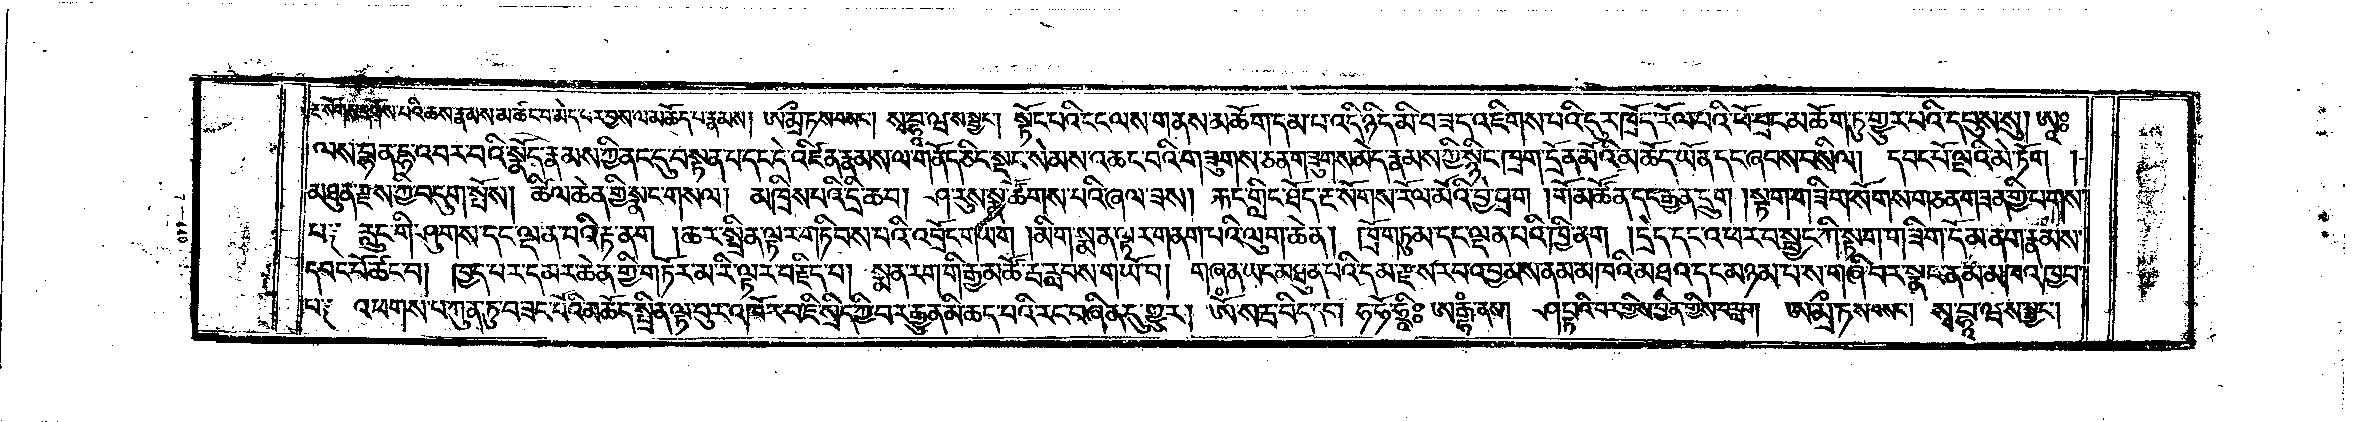རྔ་སོགས་དགོས་པའི་ཆས་རྣམས་མ་ཚང་བ་མེད་པར་བྱས་ལ་མཆོད་པ་རྣམས། ཨམྲྀ་ཏས་བསང་། སྭ་བྷཱ་ཝས་སྦྱང་།  སྟོང་པའི་ངང་ལས་གནས་མཆོག་དམ་པ་འདི་ཉིད་མི་བཟད་འཇིགས་པའི་དུར་ཁྲོད་རོལ་པའི་ཕོ་བྲང་མཆོག་ཏུ་གྱུར་པའི་དབུས་སུ། ཨཱཿ
ལས་བྷན་དྷ་འབར་བའི་སྣོད་རྣམས་ཀྱི་ནང་དུ་བསྟན་པ་དང་དེ་འཛིན་རྣམས་ལ་གནོད་ཅིང་སྡང་སེམས་འཆང་བའི་གཟུགས་ཅན་གཟུགས་མེད་རྣམས་ཀྱི་སྙིང་ཁྲག་དྲོན་མོའི་མཆོད་ཡོན་དང་ཞབས་བསིལ། དབང་པོ་ལྔའི་མེ་ཏོག །
མཐུན་རྫས་ཀྱི་བདུག་སྤོས། ཚིལ་ཆེན་གྱི་སྣང་གསལ། མཁྲིས་པའི་དྲི་ཆབ། ཤ་རུས་སྣ་ཚོགས་པའི་ཞལ་ཟས། རྐང་གླིང་ཐོད་རྔ་སོགས་རོལ་མོའི་ཕྱེ་བྲག །གོ་མཚོན་དང་རྒྱན་དྲུག །སྟག་གཟིག་སོགས་གཅན་གཟན་གྱི་པགས་
པ༑ རླུང་གི་ཤུགས་དང་ལྡན་པའི་རྟ་ནག །ཆར་སྤྲིན་ལྟར་གཏིབས་པའི་འབྲོག་གཡག །མིག་སྨན་ལྟར་གནག་པའི་ལུག་ཆེན། ཁྲོ་གཏུམ་དང་ལྡན་པའི་ཁྱི་ནག །དྲེད་དང་འཕར་རབ་སྦྱང་གི་སྟག་གཟིག་དོམ་ནག་རྣམས་
དབང་པོ་ཚང་བ། ཁྱད་པར་དམར་ཆེན་གྱི་གཏོར་མ་རི་ལྟར་བརྗིད་པ། སྨན་རག་གི་རྒྱ་མཚོ་རྦ་རླབས་གཡོ་བ། གཞན་ཡང་མཐུན་པའི་དམ་རྫས་རབ་འབྱམས་ནམ་མཁའི་མཐའ་དང་མཉམ་པ་ས་གཞི་བར་སྣང་ནམ་མཁའ་ཁྱབ་
པ༑ འཕགས་པ་ཀུན་ཏུ་བཟང་པོའི་མཆོད་སྤྲིན་ལྟ་བུར་འཁོར་བ་ཇི་སྲིད་ཀྱི་བར་རྒྱུན་མི་ཆད་པའི་རང་བཞིན་དུ་གྱུར། ཨོཾ་སརྦ་བིད་དང་། ཧ་ཧོ་ཧྲཱིཿ ཨརྒྷཾ་ནས། ཤཔྟའི་བར་གྱིས་བྱིན་གྱིས་བརླབ།  ཨ་མྲྀ་ཏས་བསང་།  སྭ་བྷཱ་ཝས་སྦྱང་།